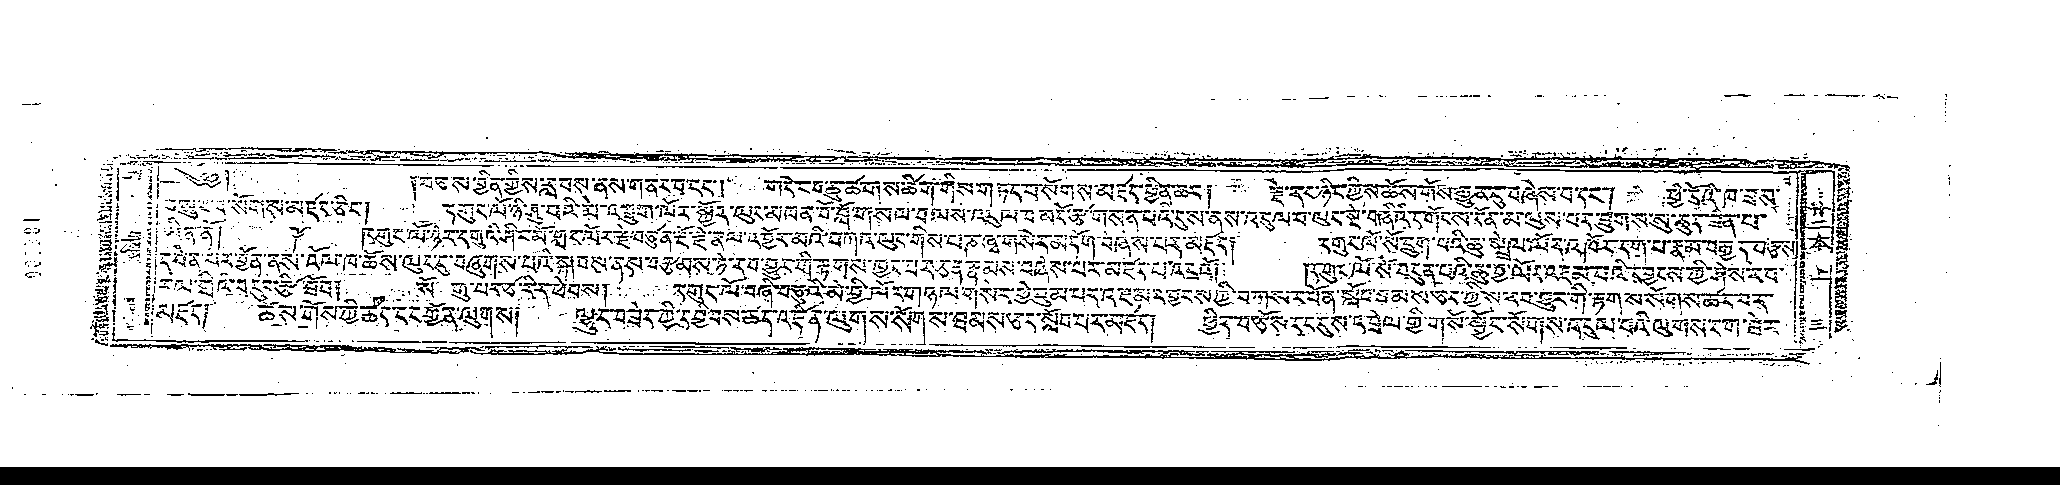༄༅། །བཅས་བྱིན་གྱིས་རླབས་ནས་གནང་བ་དང་། གདེང་བ་ཆུ་ཚགས་ཚིག་གིས་གཏང་པ་སོགས་མཛད་ཕྱིན་ཆང་། རྗེ་རང་ཉིད་ཀྱིས་ཆོས་གོས་རྒྱུན་དུ་བཞེས་པ་དང་། ཕྱི་དྲོའི་ཁ་ཟས་
བསྲུང་པ་སོགས་མཛད་ཅིང་། དགུང་ལོ་ཉི་ཤུ་བའི་མེ་འབྲུག་ལོར་སྐྱོར་ལུང་མཁན་པོ་བློགས་ལ་བ་ལས་འདུལ་བ་མདོ་རྩ་གསན་པའི་དུས་ནས་འདུལ་བ་ལུང་སྡེ་བཞིའི་དགོངས་དོན་མ་ལུས་པར་ཐུགས་སུ་ཆུད་ཟིན་པ་
ཡིན་ནོ། ༈ །དགུང་ལོ་ཉེར་དགུའི་ཤིང་མོ་གླང་ལོར་རྗེ་བཙུན་རྡོ་རྗེ་རྣལ་འབྱོར་མའི་བཀའ་ལུང་གིས་པཎ་ཞྭ་གསེར་མདོག་བཞེས་པར་མཛད། དགུང་ལོ་སོ་དྲུག་པའི་ཆུ་སྤྲེལ་ལོར་འཁོར་དག་པ་རྣམ་བརྒྱད་བཅས་
དབེན་པར་བྱོན་ནས་འོལ་ཁ་ཆོས་ལུང་དུ་བཞུགས་པའི་སྐབས་ནས་བརྩམས་ཏེ་རབ་བྱུང་གི་རྟགས་ཁྱད་པར་ཅན་རྣམས་བཞེས་པར་མཛད་པ་འདྲའོ། །དགུང་ལོ་སོ་བདུན་པའི་ཆུ་བྱ་ལོར་འཇམ་པའི་དབྱངས་ཀྱི་ཤེས་རབ་
རལ་གྲིའི་བདུད་རྩི་ཐོབ། སོ་དྲུག་ལོར་ཙ་རིར་ཕེབས། དགུང་ལོ་བཞི་བཅུའི་མེ་བྱི་ལོར་གཉལ་གསེར་ཕྱེ་བུམ་པར་འཇམ་དབྱངས་གྱི་བ་གས་དཔོན་སློབ་ཐམས་ཅད་གྱིས་རབ་གྱུར་གི་རྟགས་སོགས་ཚད་བར་
མཛད། ཆོས་གོས་ཀྱི་ཚད་དང་གྱོན་ལུགས། ལྷུང་བཟེད་ཁྱི་དབྱིབས་ཚད་འཛིན་ལུགས་སོགས་ཐམས་ཅད་སློབ་པར་མཛད། ཕྱིར་བཅོས་དང་དུས་འབྲེལ་གྱི་གསོ་སྦྱོང་སོགས་འདུལ་བའི་ལུགས་དག་ཐེར་